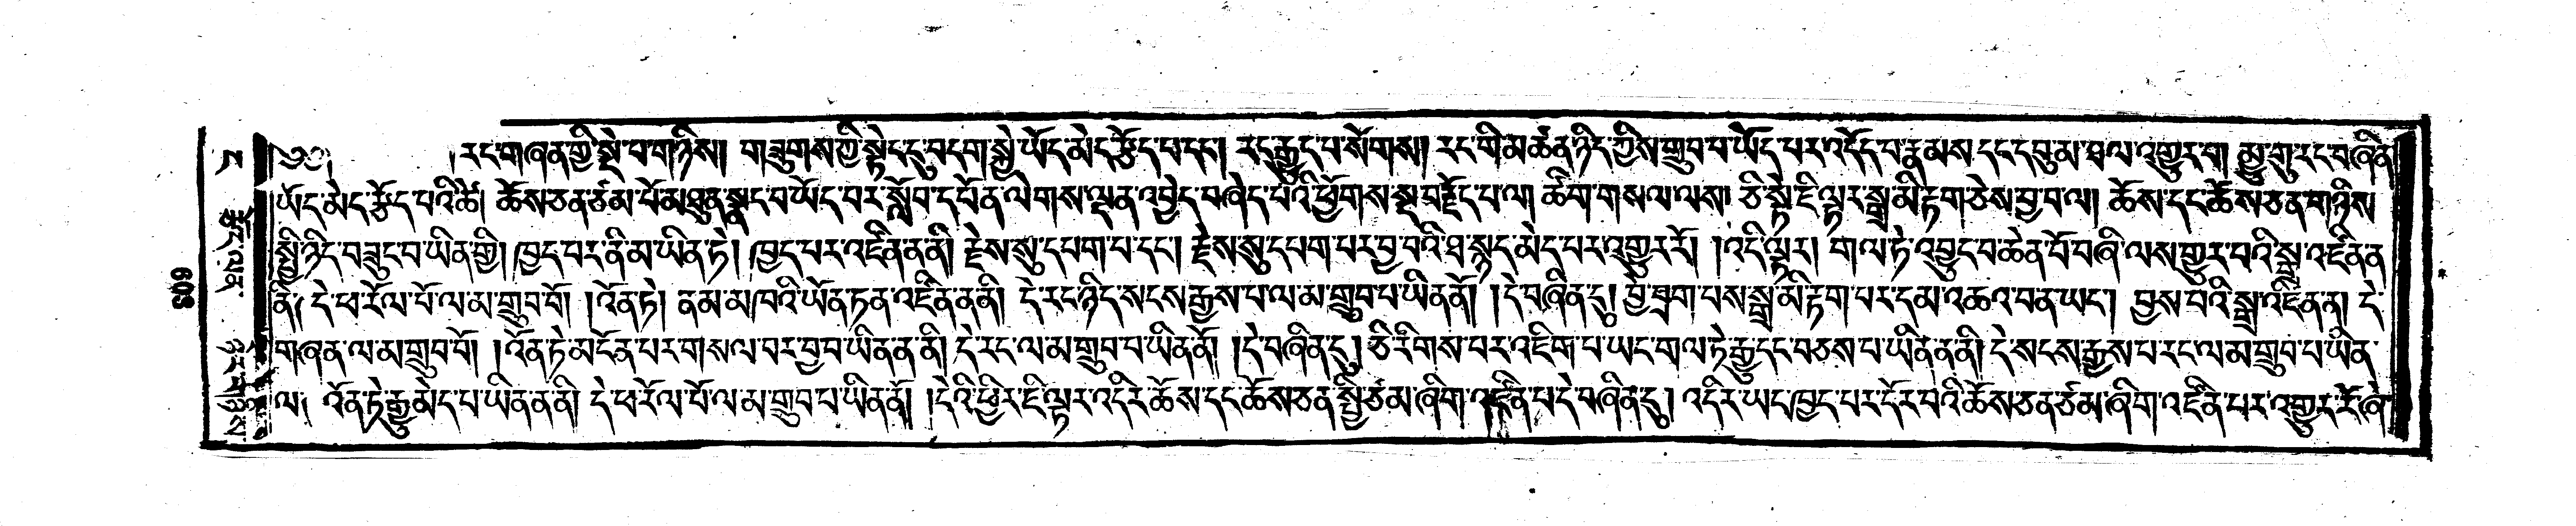༄༅། །རང་གཞན་གྱི་སྡེ་པ་གཉིས། གཟུགས་ཀྱི་སྟེང་དུ་བདག་སྐྱེ་ཡོད་མེད་རྩོད་པ་དང་། རང་རྒྱུད་པ་སོགས། རང་གི་མཚན་ཉིད་ཀྱིས་གྲུབ་པ་ཡོད་པར་འདོད་པ་རྣམས་དང་དབུ་མ་ཐལ་འགྱུར་བ། མྱུ་གུ་རང་བཞིན་
ཡོད་མེད་རྩོད་པའི་ཚེ། ཆོས་ཅན་ཙམ་པོ་མཐུན་སྣང་བ་ཡོད་པར་སློབ་དཔོན་ལེགས་ལྡན་འབྱེད་བཞེད་པའི་ཕྱོགས་སྔ་བརྗོད་པ་ལ། ཚིག་གསལ་ལས། ཅི་སྟེ་ཇི་ལྟར་སྒྲ་མི་རྟག་ཅེས་བྱ་བ་ལ། ཆོས་དང་ཆོས་ཅན་གཉིས་
སྤྱི་ཉིད་བཟུང་བ་ཡིན་གྱི། ཁྱད་པར་ནི་མ་ཡིན་ཏེ། ཁྱད་པར་འཛིན་ན་ནི། རྗེས་སུ་དཔག་པ་དང་། རྗེས་སུ་དཔག་པར་བྱ་བའི་ཐ་སྙད་མེད་པར་འགྱུར་རོ། །འདི་ལྟར། གལ་ཏེ་འབྱུང་བ་ཆེན་པོ་བཞི་ལས་གྱུར་པའི་སྒྲ་འཛིན་ན་
ནི༑ དེ་ཕ་རོལ་པོ་ལ་མ་གྲུབ་བོ། །འོན་ཏེ། ནམ་མཁའ་ཡོན་ཏན་འཛིན་ན་ནི། དེ་རང་ཉིད་སངས་རྒྱས་པ་ལ་མ་གྲུབ་པ་ཡིན་ནོ། །དེ་བཞིན་དུ། བྱེ་བྲག་པས་སྒྲ་མི་རྟག་པར་དམ་འཆའ་བ་ན་ཡང་། བྱས་པའི་སྒྲ་འཛིན་ན། དེ་
གཞན་ལ་མ་གྲུབ་བོ། །འོན་ཏེ་མངོན་པར་གསལ་བར་བྱ་བ་ཡིན་ན་ནི། དེ་རང་ལ་མ་གྲུབ་པ་ཡིན་ནོ། །དེ་བཞིན་དུ། ཅི་རིགས་པར་འཇིག་པ་ཡང་གལ་ཏེ་རྒྱུ་དང་བཅས་པ་ཡིན་ན་ནི། དེ་སངས་རྒྱས་པ་རང་ལ་མ་གྲུབ་པ་ཡིན་
ལ༑ འོན་ཏེ་རྒྱུ་མེད་པ་ཡིན་ན་ནི། དེ་ཕ་རོལ་པོ་ལ་མ་གྲུབ་པ་ཡིན་ནོ། །དེའི་ཕྱིར་ཇི་ལྟར་འདིར་ཆོས་དང་ཆོས་ཅན་སྤྱི་ཙམ་ཞིག་འཛིན་པ་དེ་བཞིན་དུ། འདིར་ཡང་ཁྱད་པར་དོར་བའི་ཆོས་ཅན་ཙམ་ཞིག་འཛིན་པར་འགྱུར་རོ་ཞེ་